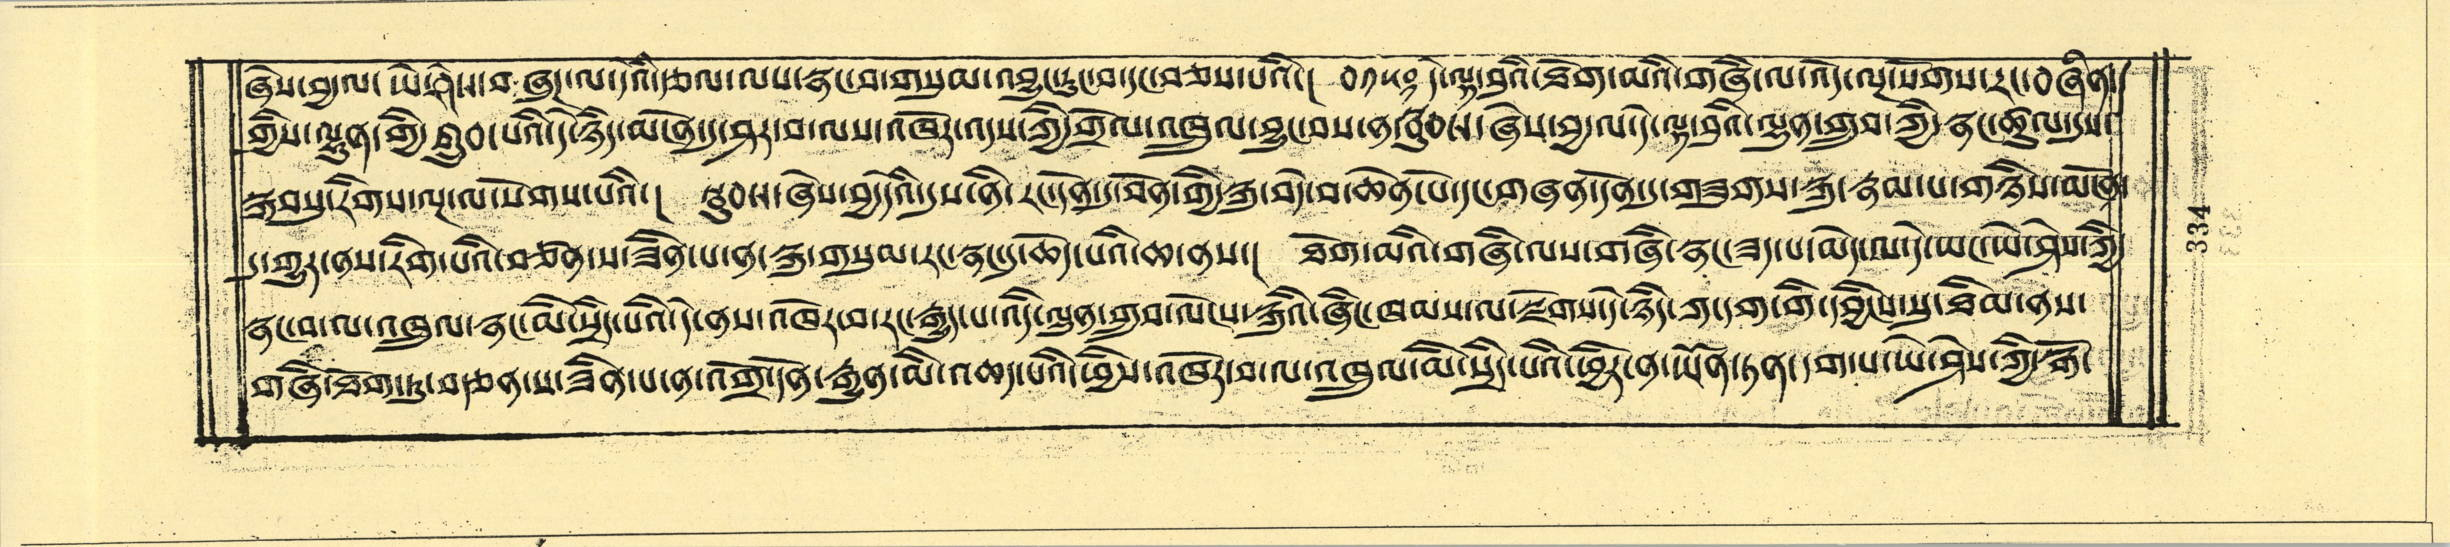ཞེས་བྱ་ལ་ ༼ཡེ་ཤེས་༽གཞུགས་ལ་དེའི་རྩལ་ལས་སྣང་བ་གསུམ་འབྱུང་རུང་བ་དང་བཅས་པའི། བ༡༥༠།༡ དེ་ལྟ་བུའི་ཐོག་མའི་གཞི་ལ་འོད་ལྔ་སོགས་རང་བཞིན་
གྱིས་ ༼ལྷུན་༽གྱི་ ༼གྲུབ་༽པའི་དེ་ཉིད་མངོན་དུ་ཤར་བ་ལས་འཁོར་འདས་ཀྱི་གྲོལ་འཁྲུལ་བྱུང་བས་ན་ ༼སྦུབས་༽ཞེས་བྱ་ལ་དེ་ལྟ་བུའི་ལྷུན་གྲུབ་ཀྱི་སྣང་ཚུལ་དུས་
སྐབས་སུ་རིགས་ལྔ་ལ་སོགས་པའི། ༼སྦུབས་༽ཞེས་བྱ་དེའི་དུས་ནི་རང་དོན་དུ་བོན་གྱི་སྐུ་བདེ་བ་ཆེན་པོ་དང་གཞན་དོན་དུ་གཟུགས་སྐུ་རྣམ་པ་གཉིས་མངོན་
དུ་གྱུར་ནས་རིག་པའི་བཙན་ས་ཟིན་པ་ན་སྐུ་གསུམ་རང་སྣང་དུ་ཆོད་པའི་ཆ་ནས། ཐོག་མའི་གཞི་ལས་གཞི་སྣང་ཟད་པ་མེད་པ་དེ་ཡང་ཡེ་ཤེས་ཀྱི་
སྣང་བ་ལ་འཁྲུལ་སྣང་མི་སྲིད་པའི་དེ་ནས་འཁོར་བ་རང་རྒྱུད་པ་འདི་ལྷུན་གྲུབ་ལོངས་སྐུའི་ཞིང་ཁམས་ལ་སྫོགས་དེ་ཉིད་ཀ་དག་གི་དབྱིངས་སུ་ཐིམ་ནས་
གཞི་ཐོག་ཏུ་བརྩན་ས་ཟིན་པ་ན་འགྲོ་དོན་རྒྱུན་མི་འཆད་པའི་ཕྱིས་འཁོར་བ་ལ་འཁྲུལ་མི་སྲིད་པའི་ཕྱིར་ན་ ༼ཡོན་ཏན་༽དག་པ་ཡེ་ཤེས་ཀྱི་སྒོ་